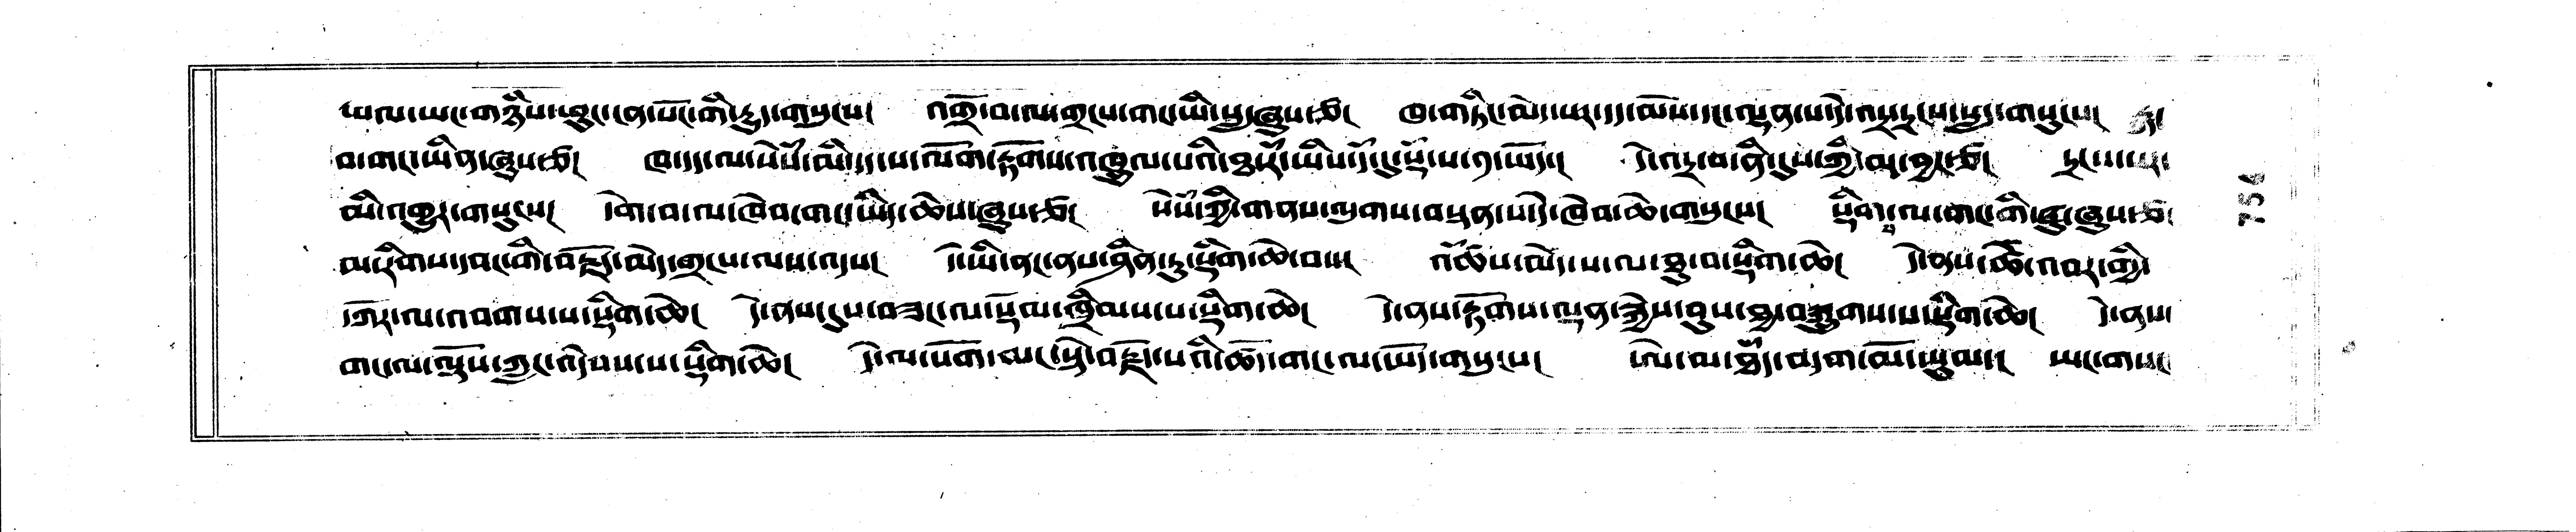ཕལ་ཡང་གཉིས་ཕུང་ངན་སོང་གི་རྒྱུད་གསུངས། འགྲོ་བ་ལ་དྲངས་གང་སླ་ཞུས་ཙ། ཁ་གཏིང་མེད་པར་དད་མོས་དང་ལྡན་པ་དེ་འདྲ་དྲངས་སླ་གསུངས། རྐ་
བ་གང་ཡིན་ཞུས་ཙ། ཁ་དད་ལ་སེམས་མི་དད་པ་ལོག་རྟོག་འཁྲུལ་པའི་ཐ་རམས་ཡིས་དམ་དུ་བསྡམ་པ་ཅིག་ཡོད། དེ་འདྲ་བ་ནི་དུས་ཀྱིས་མ་བྱང་ཙ། དྲངས་པར་
མི་འགྱུར་གསུངས། དགེ་བ་ལ་ཁེབས་གང་ཡིད་ཆེས་ཞུས་ཙ། སེམས་ཀྱི་གནས་ལུགས་བསྟན་པ་དེ་ཁེབས་ཆེ་གསུངས། སྡིག་པ་ལ་གང་གི་ཞུ་ཞུས་ཙ། 
མ་རིག་དབང་གིས་བརྗོད་མེད་གྲངས་ལས་འདས། དེ་ཡི་ནང་ནས་ཤིན་ཏུ་སྡིག་ཆེ་བ། མཚམས་མེད་པ་ལ་ཐུ་བ་སྡིག་ཆེ། དེ་ནས་ཚེ་འབར་གྱི་
ཀོར་ལ་འབག་པ་སྡིག་ཆེ། དེ་ནས་དུས་བཟང་ལ་སྡོམ་ཁྲིམས་‘ཉམས’པ་སྡིག་ཆེ། དེ་ནས་རྟོགས་ལྡན་སྐྱེས་བུས་ཐུགས་དཀྲུགས་པ་སྡིག་ཆེ། དེ་ནས་
གང་ལ་ལྟོས་ཀླང་‘གླང’འདེབས་པ་སྡིག་ཆེ། དེ་ལ་སོགས་མང་སྟེ་བརྗོད་པའི་ཚོད་ག་ལ་ཡོད་གསུངས། ཨེ་མ་ཐམས་ཅད་བདག་མོ་ཡུམ།